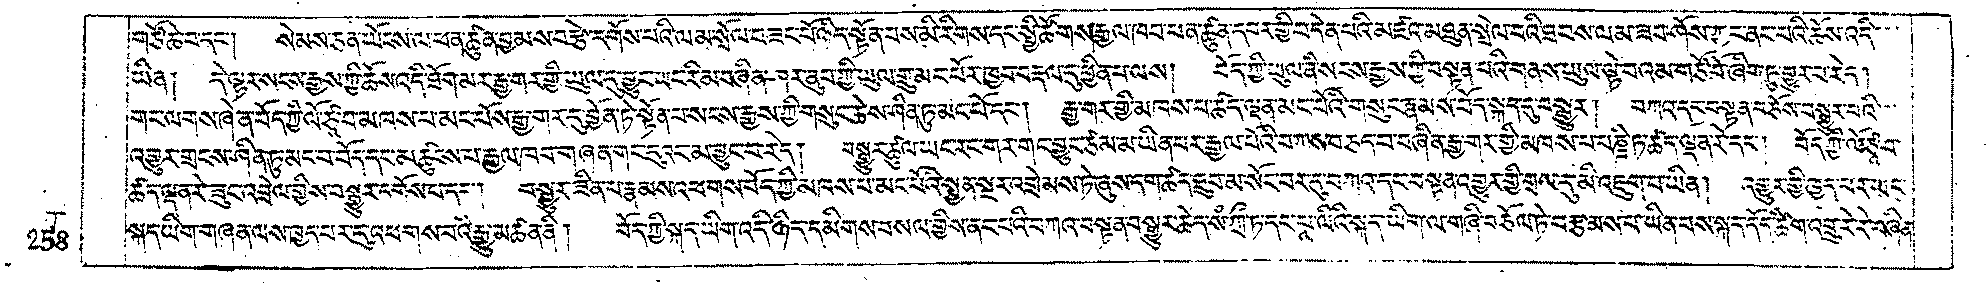གཙོ་ཆེ་བ་དང་། སེམས་ཅན་ཡོངས་ལ་ཕན་ཚུན་བྱམས་བརྩེ་དགོས་པའི་ལམ་སྲོལ་བཟང་པོ་ཉིད་སྟོན་པས་མི་རིགས་དང་སྤྱི་ཚོགས་རྒྱལ་ཁབ་ཕན་ཚུན་དཔར་གྱི་བདེན་པའི་མཛའ་མཐུན་སྤེལ་བའི་ཐབས་ལམ་ཟབ་ཤོས་ཀྱང་ནང་པའི་ཆོས་འདི་་་
ཡིན། དེ་ལྟར་སངས་རྒྱས་ཀྱི་ཆོས་འདི་ཐོག་མར་རྒྱ་གར་གྱི་ཡུལ་དུ་བྱུང་ཡང་རིམ་བཞིན་ཤར་ནུབ་ཀྱི་ཡུལ་གྲུ་མང་པོར་ཁྱབ་བརྡལ་དུ་ཕྱིན་པ་ལས། བོད་ཀྱི་ཡུལ་ནི་སངས་རྒྱས་ཀྱི་བསྟན་པའི་གནས་ཡུལ་ལྟེ་བའམ་གཙོ་བོ་ཞིག་ཏུ་གྱུར་པ་རེད།
གང་ལགས་ཞེན་བོད་ཀྱི་ལོ་ཙཱ་བ་མཁས་པ་མང་པོས་རྒྱ་གར་དུ་བྱོན་ཏེ་སྟོན་པ་སངས་རྒྱས་ཀྱི་གསུང་ཆེས་ཤིན་ཏུ་མང་པོ་དང་། རྒྱ་གར་གྱི་མཁས་པ་ཚད་ལྡན་མང་པོའི་གསུང་རྣམས་བོད་སྐད་དུ་བསྒྱུར། བཀའ་དང་བསྟན་བཅོས་བསྒྱུར་པའི་་་
འགྱུར་གྲངས་ཤིན་ཏུ་མང་བ་བོད་དང་མཚུངས་པ་རྒྱལ་ཁབ་གཞན་གང་དུའང་མ་བྱུང་བ་རེད། བསྒྱུར་ཚུལ་ཡང་རང་གར་གང་བྱུང་ཙམ་མ་ཡིན་པར་རྒྱལ་པོའི་བཀས་བཅད་པ་བཞིན་རྒྱ་གར་གྱི་མཁས་པ་པཎྜི་ཏ་ཚད་ལྡན་རེ་དང་། བོད་ཀྱི་ལོ་ཙཱ་བ་
ཚད་ལྡན་རེ་ཟུང་འབྲེལ་གྱིས་བསྒྱུར་དགོས་པ་དང་། བསྒྱུར་ཟིན་པ་རྣམས་འཕགས་བོད་ཀྱི་མཁས་པ་མང་པོའི་སྤྱན་སྔར་འགྲེམས་ཏེ་ཞུས་དག་ཚད་ཐུབ་མ་སོང་བར་དུ་བཀའ་དང་བསྟན་འགྱུར་གྱི་གྲལ་དུ་མི་འཇུག་པ་ཡིན། འགྱུར་གྱི་ཁྱད་པར་ཡང་
སྐད་ཡིག་གཞན་ལས་ཁྱད་པར་དུ་འཕགས་པའི་རྒྱུ་མཚན་ནི། བོད་ཀྱི་སྐད་ཡིག་འདི་ཉིད་དམིགས་བསལ་གྱིས་ནང་པའི་བཀའ་བསྟན་བསྒྱུར་ཆེད་སཾ་ཀྲྀ་ཏ་དང་པཱ་ལིའི་སྐད་ཡིག་ལ་གཞི་བཅོལ་ཏེ་བརྩམས་པ་ཡིན་པས་སྐད་དོད་ཚིག་འབྲུ་རེ་རེ་བཞིན་